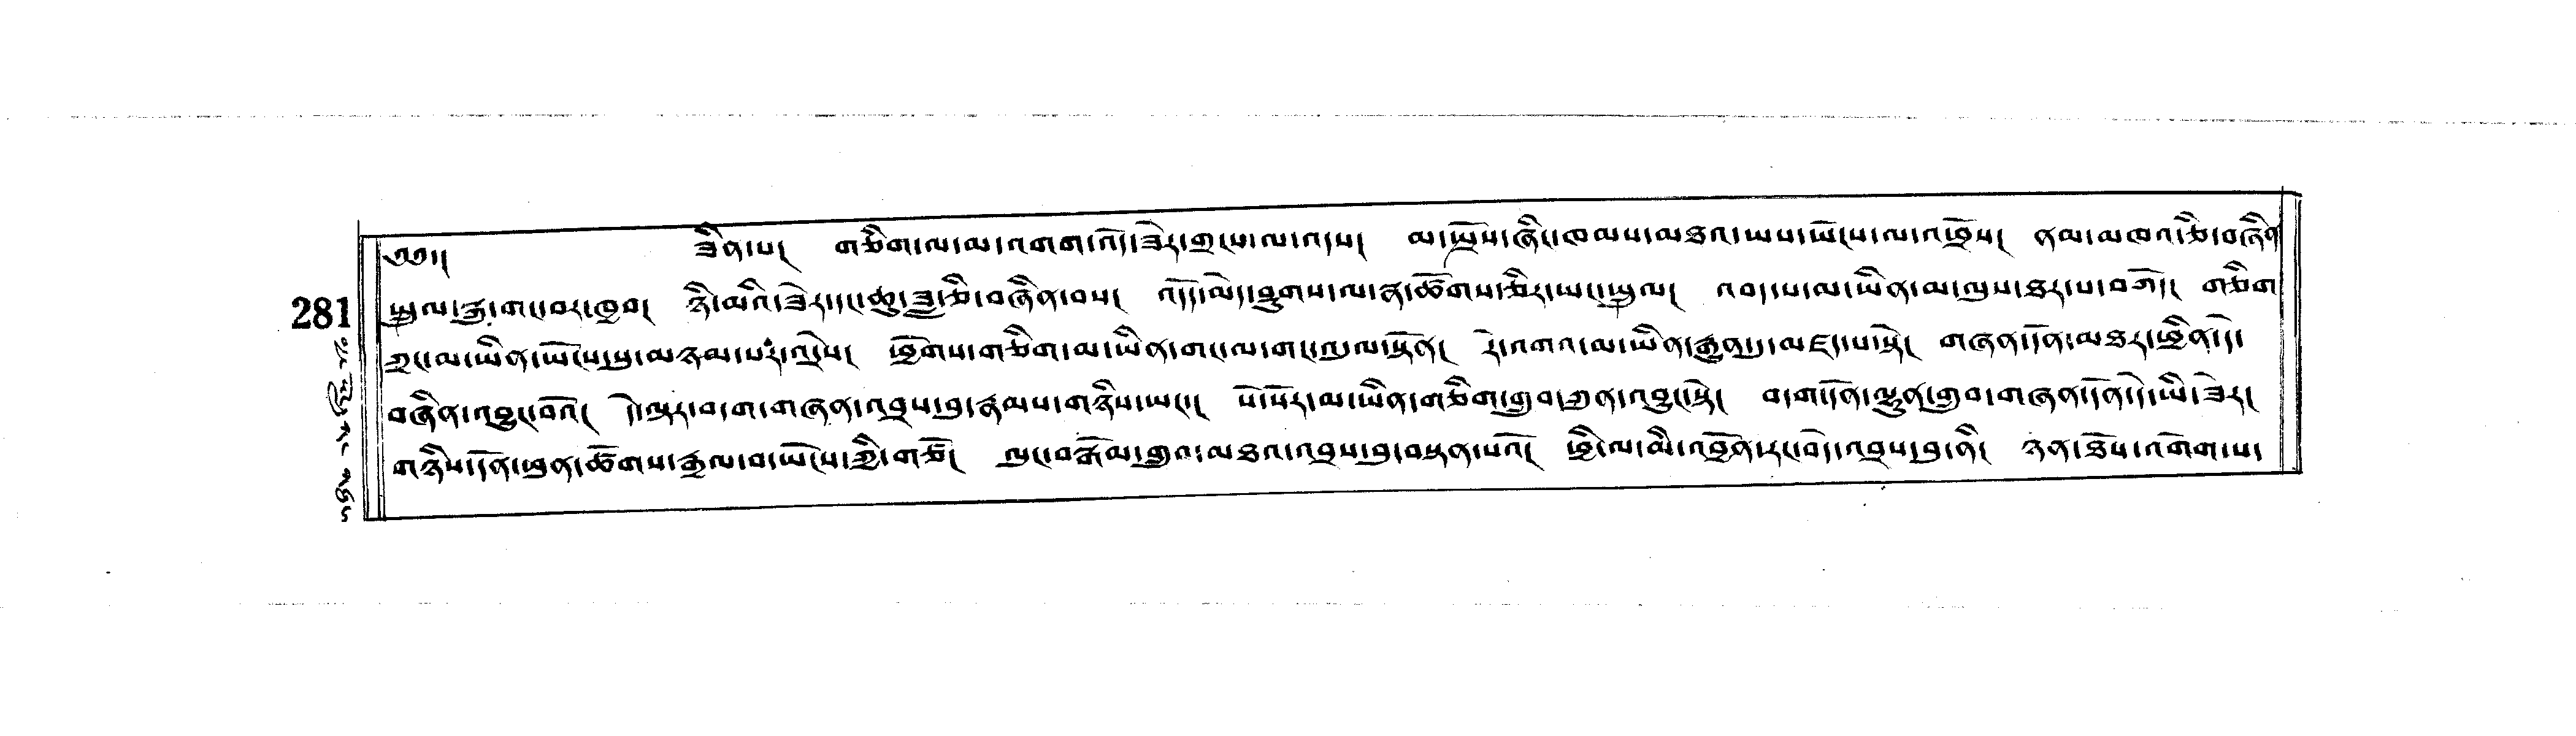ཟིན་པ། གཅིག་ལ་མ་འགག་འོད་ཟེར་གྲངས་ལས་འདས། མ་སྤྲོས་ཞིང་ཁམས་མཐའ་ཡས་ཡོངས་ལ་འཕྲོས། ནམ་མཁའ་ཅི་བཞིན་
སྤྲུལ་སྐུ་གང་བར་ཁྱབ། ཉི་མའི་ཟེར་དང་ཆུ་ཟླ་ཅི་བཞིན་བས། འདོད་མེད་ཤུགས་ལ་སྣ་ཚོགས་ཅིར་ཡང་སྤྲུལ། འབད་པ་མ་ཡིན་མ་ལུས་ཐར་པ་བཀོད། གཅིག་
ཀྱང་མ་ཡིན་ཡོངས་སུ་མཉམ་པར་འདྲེས། ཕྱོགས་གཅིག་མ་ཡིན་གང་ལ་གང་འདུལ་སྟོན། རེ་འགའ་མ་ཡིན་རྒྱུན་དུ་མཛད་པ་སྟེ། གཞན་དོན་མཐར་ཕྱིན་དེ་
བཞིན་འབྱུང་བའོ། དེ་ལྟར་བདག་གཞན་འབྲས་བུ་རྣམ་གཉིས་ཡང་། སོ་སོར་མ་ཡིན་གཅིག་གྲུབ་ཀུན་འབྱུང་སྟེ། བདག་དོན་ལྷུན་གྲུབ་གཞན་དོན་དེ་ཡི་ཟེར། 
གཉིས་དོན་ཕུན་ཚོགས་རྒྱལ་བ་ཡོངས་ཀྱི་གཙོ། ལུང་བསྒོམ་གྲུབ་མཐའ་འབྲས་བུ་བསྟན་པའོ། ཕྱི་ལ་མི་འབྱོན་རང་བདེ་འབྲས་བུ་ནི། ཉན་ཐོས་འགོག་པ་